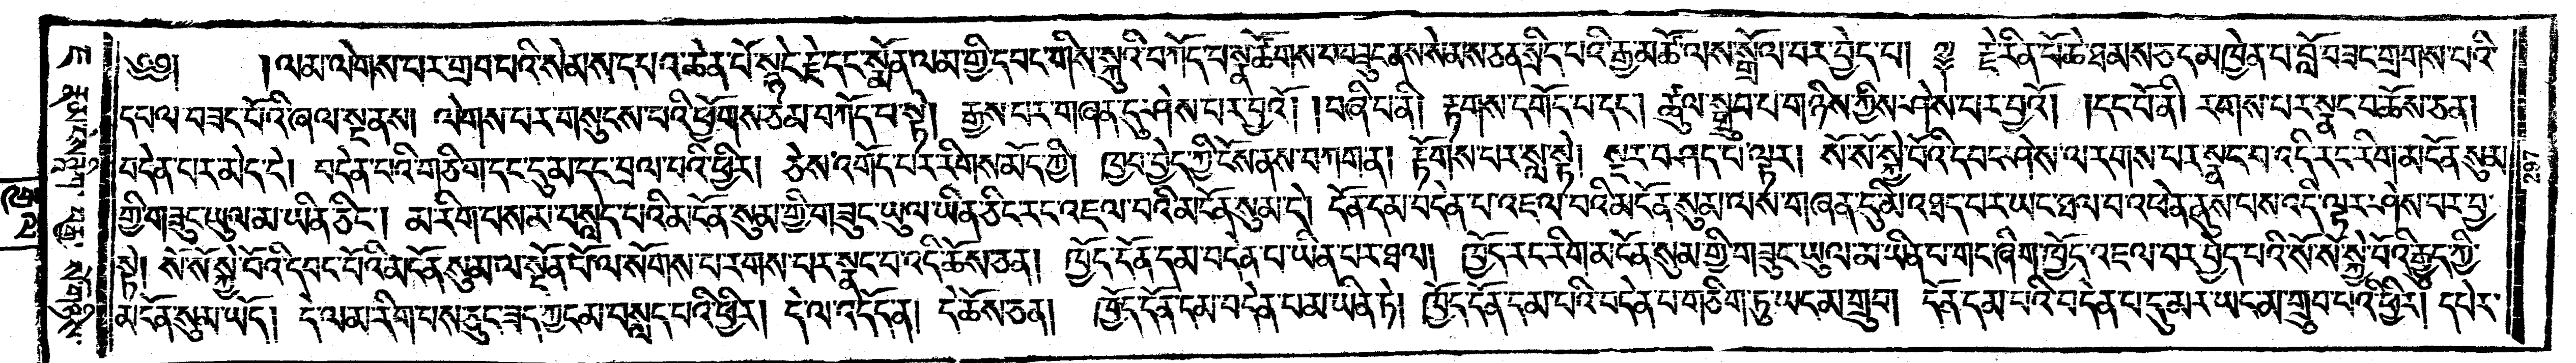༄༅། །ལམ་ལེགས་པར་གྲབ་?་པའི་སེམས་དཔའ་ཆེན་པོ་སྙིང་རྗེ་དང་སྨོན་ལམ་གྱི་དབང་གིས་སྐུའི་བཀོད་པ་སྣ་ཚོགས་པ་བཟུང་ནས་སེམས་ཅན་སྲིད་པའི་རྒྱ་མཚོ་ལས་སྒྲོལ་བར་བྱེད་པ། ༈ རྗེ་རིན་པོ་ཆེ་ཐམས་ཅད་མཁྱེན་པ་བློ་བཟང་གྲགས་པའི་
དཔལ་བཟང་པོའི་ཞལ་སྔ་ནས། ལེགས་པར་གསུངས་པའི་ཕྱོགས་ཙམ་བཀོད་པ་སྟེ། རྒྱས་པར་གཞན་དུ་ཤེས་པར་བྱའོ། །བཞི་པ་ནི། རྟགས་དགོད་པ་དང་། ཚུལ་སྒྲུབ་པ་གཉིས་ཀྱིས་ཤེས་པར་བྱའོ། །དང་པོ་ནི། རགས་པར་སྣང་བ་ཆོས་ཅན།
བདེན་པར་མེད་དེ། བདེན་པའི་གཅིག་དང་དུ་མ་དང་བྲལ་བའི་ཕྱིར། ཅེས་འགོད་པར་རིགས་མོད་ཀྱི། ཁྱབ་བྱེད་ཀྱི་ངོས་ནས་བཀག་ན། རྟོགས་པར་སླ་སྟེ། སྔར་བཤད་པ་ལྟར། སོ་སོ་སྐྱེ་བོའི་དབང་ཤེས་ལ་རགས་པར་སྣང་བ་འདི་རང་རིག་མངོན་སུམ་
གྱི་གཟུང་ཡུལ་མ་ཡིན་ཅིང་། མ་རིག་པས་མ་བསླད་པའི་མངོན་སུམ་གྱི་གཟུང་ཡུལ་ཡིན་ཅིང་རང་འཇལ་བའི་མངོན་སུམ་དེ། དོན་དམ་བདེན་པ་འཇལ་བའི་མངོན་སུམ་ལས་གཞན་དུ་མི་འཐད་པར་ཡང་ཐལ་བ་འཕེན་ནུས་པས་འདི་ལྟར་ཤེས་པར་བྱ་
སྟེ། སོ་སོ་སྐྱེ་བོའི་དབང་པོའི་མངོན་སུམ་ལ་སྔོན་པོ་ལ་སོགས་པ་རགས་པར་སྣང་བ་འདི་ཆོས་ཅན། ཁྱོད་དོན་དམ་བདེན་པ་ཡིན་པར་ཐལ། ཁྱོད་རང་རིག་མངོན་སུམ་གྱི་གཟུང་ཡུལ་མ་ཡིན་པ་གང་ཞིག་ཁྱོད་འཇལ་བར་བྱེད་པའི་སོ་སོ་སྐྱེ་བོའི་རྒྱུད་ཀྱི་
མངོན་སུམ་ཡོད། དེ་ལ་མ་རིག་པས་ཅུང་ཟད་ཀྱང་མ་བསླད་པའི་ཕྱིར། དེ་ལ་འདོད་ན། དེ་ཆོས་ཅན། ཁྱོད་དོན་དམ་བདེན་པ་མ་ཡིན་ཏེ། ཁྱོད་དོན་དམ་པའི་བདེན་པ་གཅིག་ཏུ་ཡང་མ་གྲུབ། དོན་དམ་པའི་བདེན་པ་དུ་མར་ཡང་མ་གྲུབ་པའི་ཕྱིར། དཔེར་